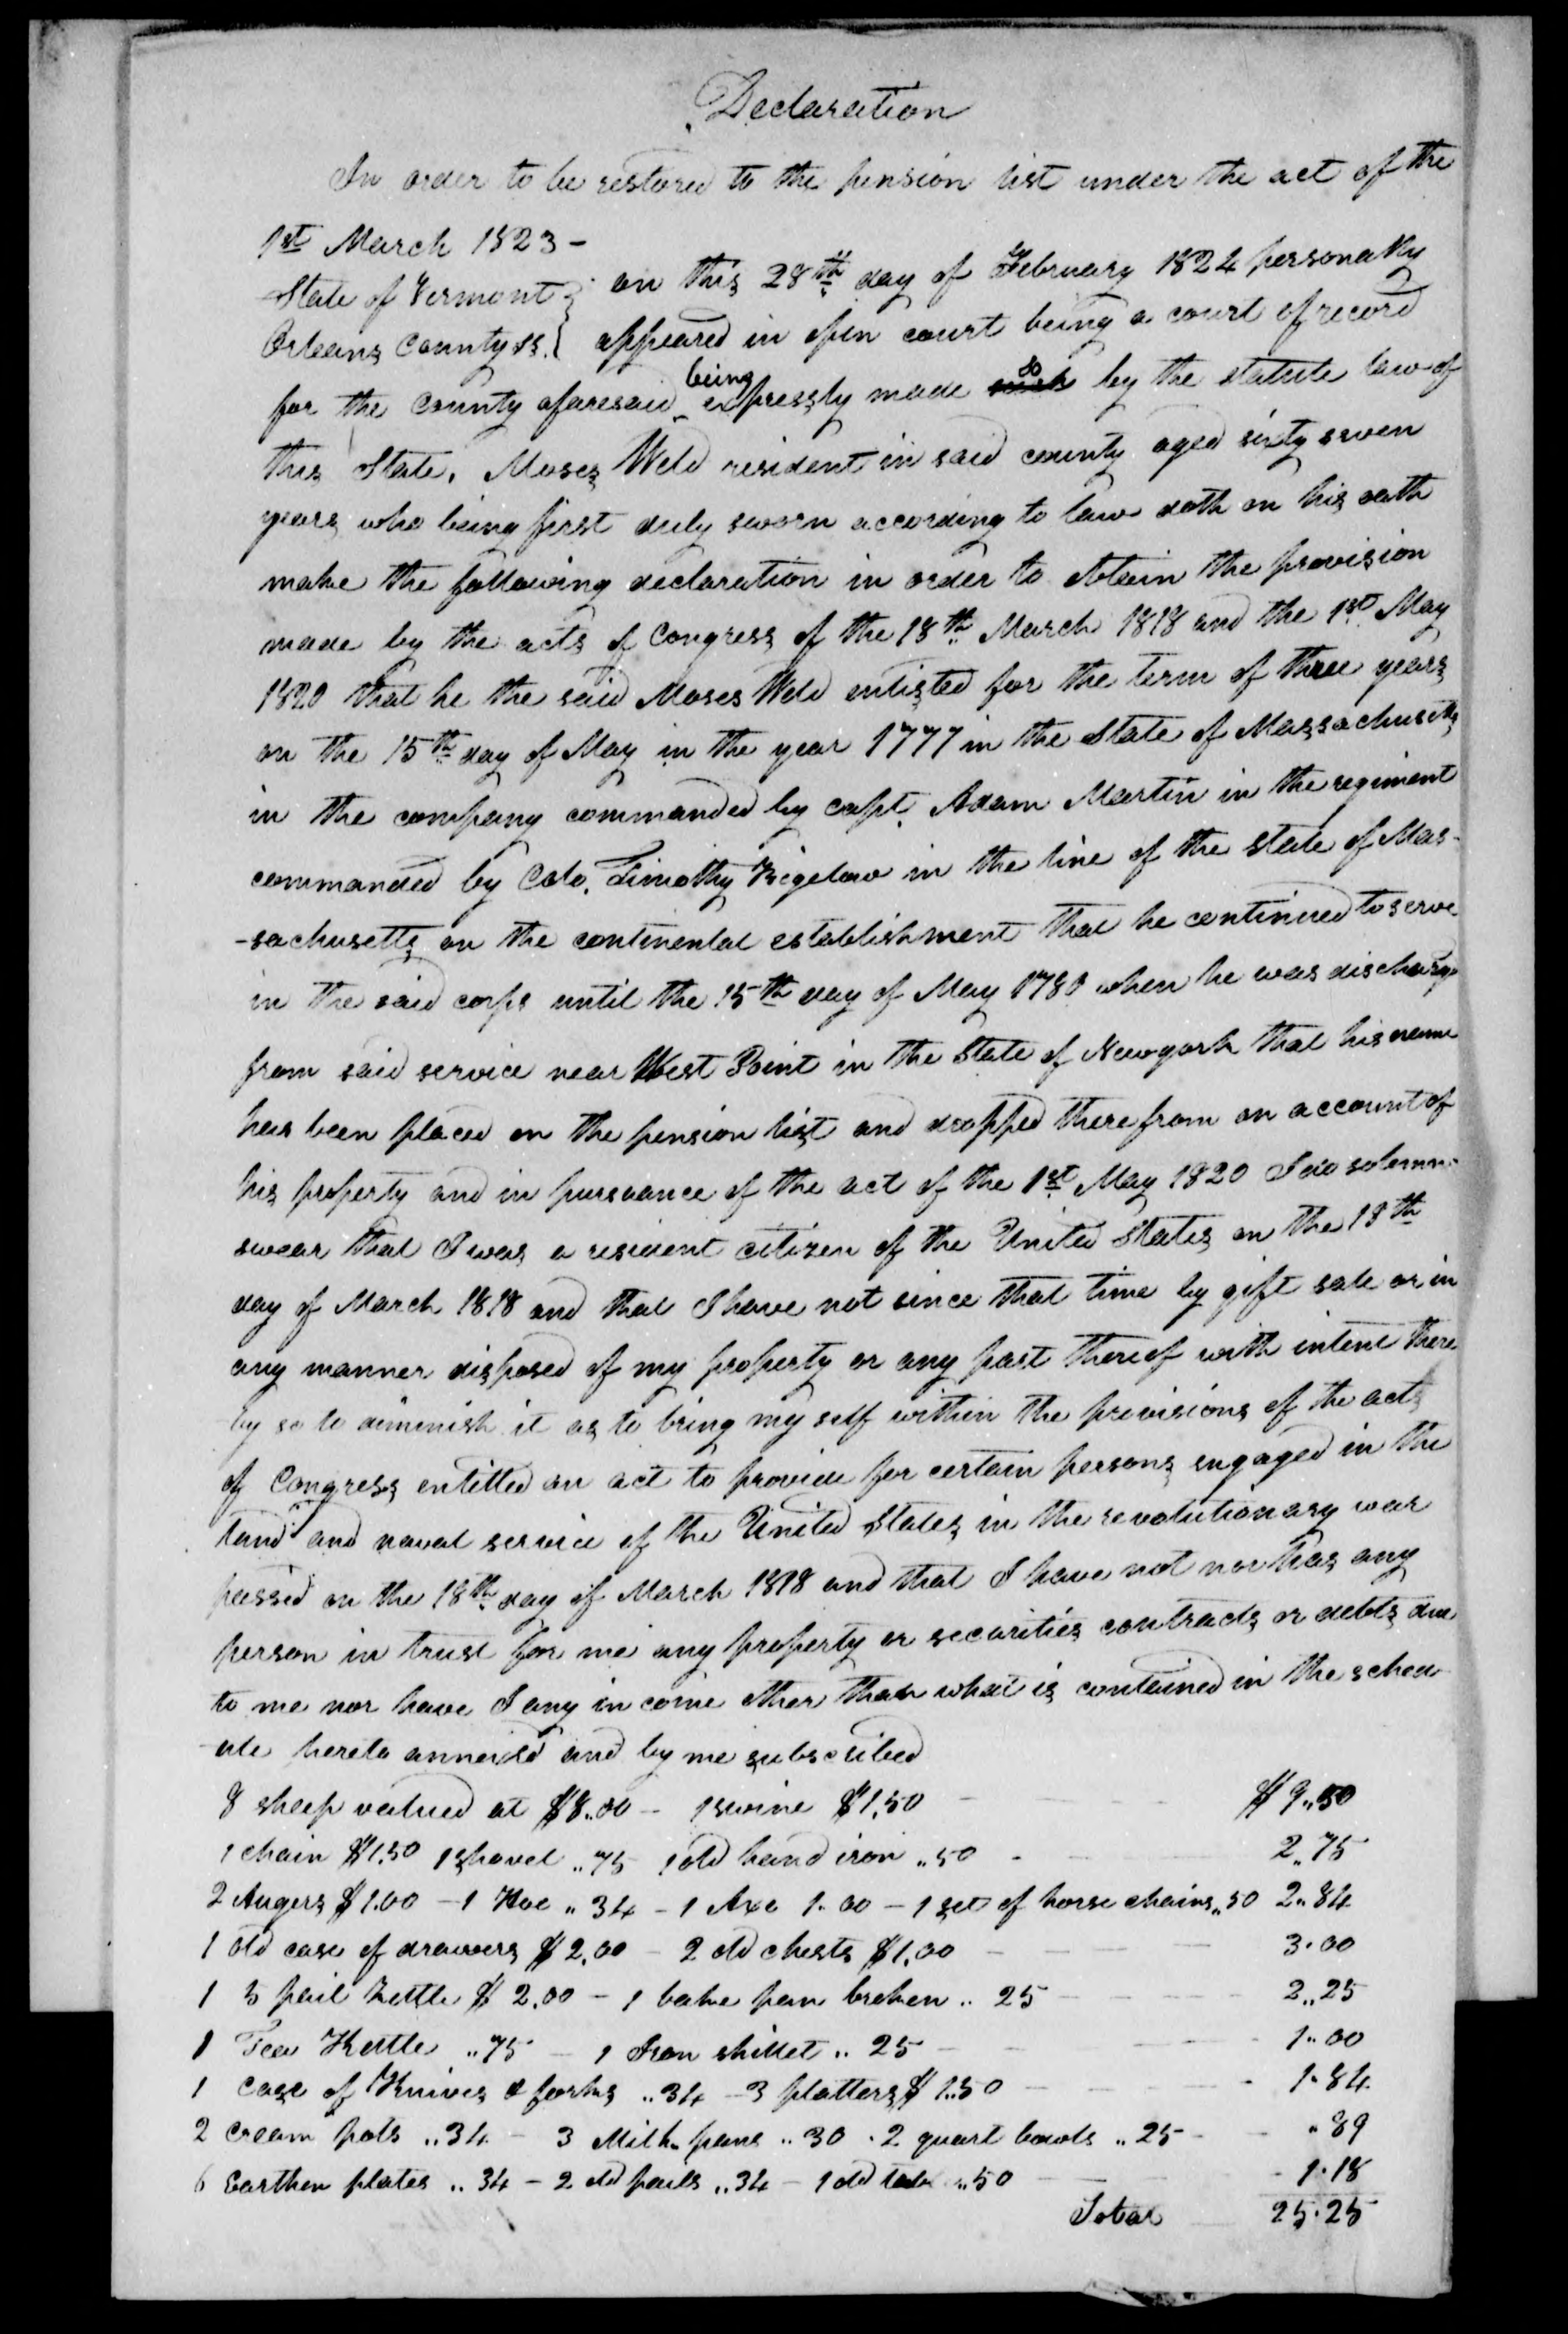Declaration
In order to be restored to the pension list under the act of the 1st March 1823 -
State of Vermont 
Orleans County ss.  ⎬
On this 28th day of February 1824 personally
 appeared in open court being a court of record for the County aforesaid - ^being expressly made so by the statute law of
this State, Moses Weld resident in said county aged sixty seven years, who being first duly sworn according to law doth on his oath
make the following declaration in order to obtain the provision made by the acts of Congress of the 18th March 1818 and the 1st May 1820 that he the said Moses Well enlisted for the term of three years on the 15th day of May in the year 1777 in the State of Massachusetts, in the company commanded by Capt. Adam Martin in the regiment commanded by Colo. Timothy Bigelow in the line of the State of Massachusetts on the continental establishment that he continued to serve in the said corps until the 15th day of May 1780 when he was discharged from said service near West Point in the State of New York that his name has been placed on the pension list and dropped therefrom on account of his property and in pursuance of the act of the 1st May 1820  I do solemn
swear that I was a resident citizen of the United States on the 18th day of March 1818 and that I have not since that time by gift sale or in any manner disposed of my property or any part thereof with intent thereby so to diminish it as to bring my self within the provisions of the act of Congress, entitled an act to provide for certain persons engaged in the land and naval service of the United States in the revolutionary war, passed on the 18th day of March 1818 and that I have not nor has any person in trust for me any property or securities contracts or debts owed to me nor have I any income other than what is contained in the schedule hereto annexed and by me subscribed   
[punctuation edited for clarity]
8 sheep valued at $8.0, 1 swine $1.5 - - - $9.50
1 chain $1.50, 1 shovel .75, 1 old hand iron .50 - - -  2.75
2 Augers $1.00, 1 Hoe .34, 1 Axe 1.00, 1 set of horse chains .50 - - - 2.84
1 old case of drawers $2.00, 2 old Chests $1.00
- - - 3.00
1 5 pail Kettle $2.00, 1 Bake pan broken .25 - - - 2.25 
1 Tea Kettle .75, 1 Iron Skillet .25 - - - 1.00
1 Case of Knives & forks .34, 3 platters $1.50 - - - 1.84
2 Cream pots .34, 3 milk pans 3.0, 2 quart bowls .25 - - -  .89
6 Earthen plates .34, 2 old pails .34, 1 old [?] .50 - - -  1.18
Total - - - 25.25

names: Moses Weld, Adam Martin, Timothy Bigelow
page: 82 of 87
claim: widow's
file: W. 25,966, Moses Weld, Mass.